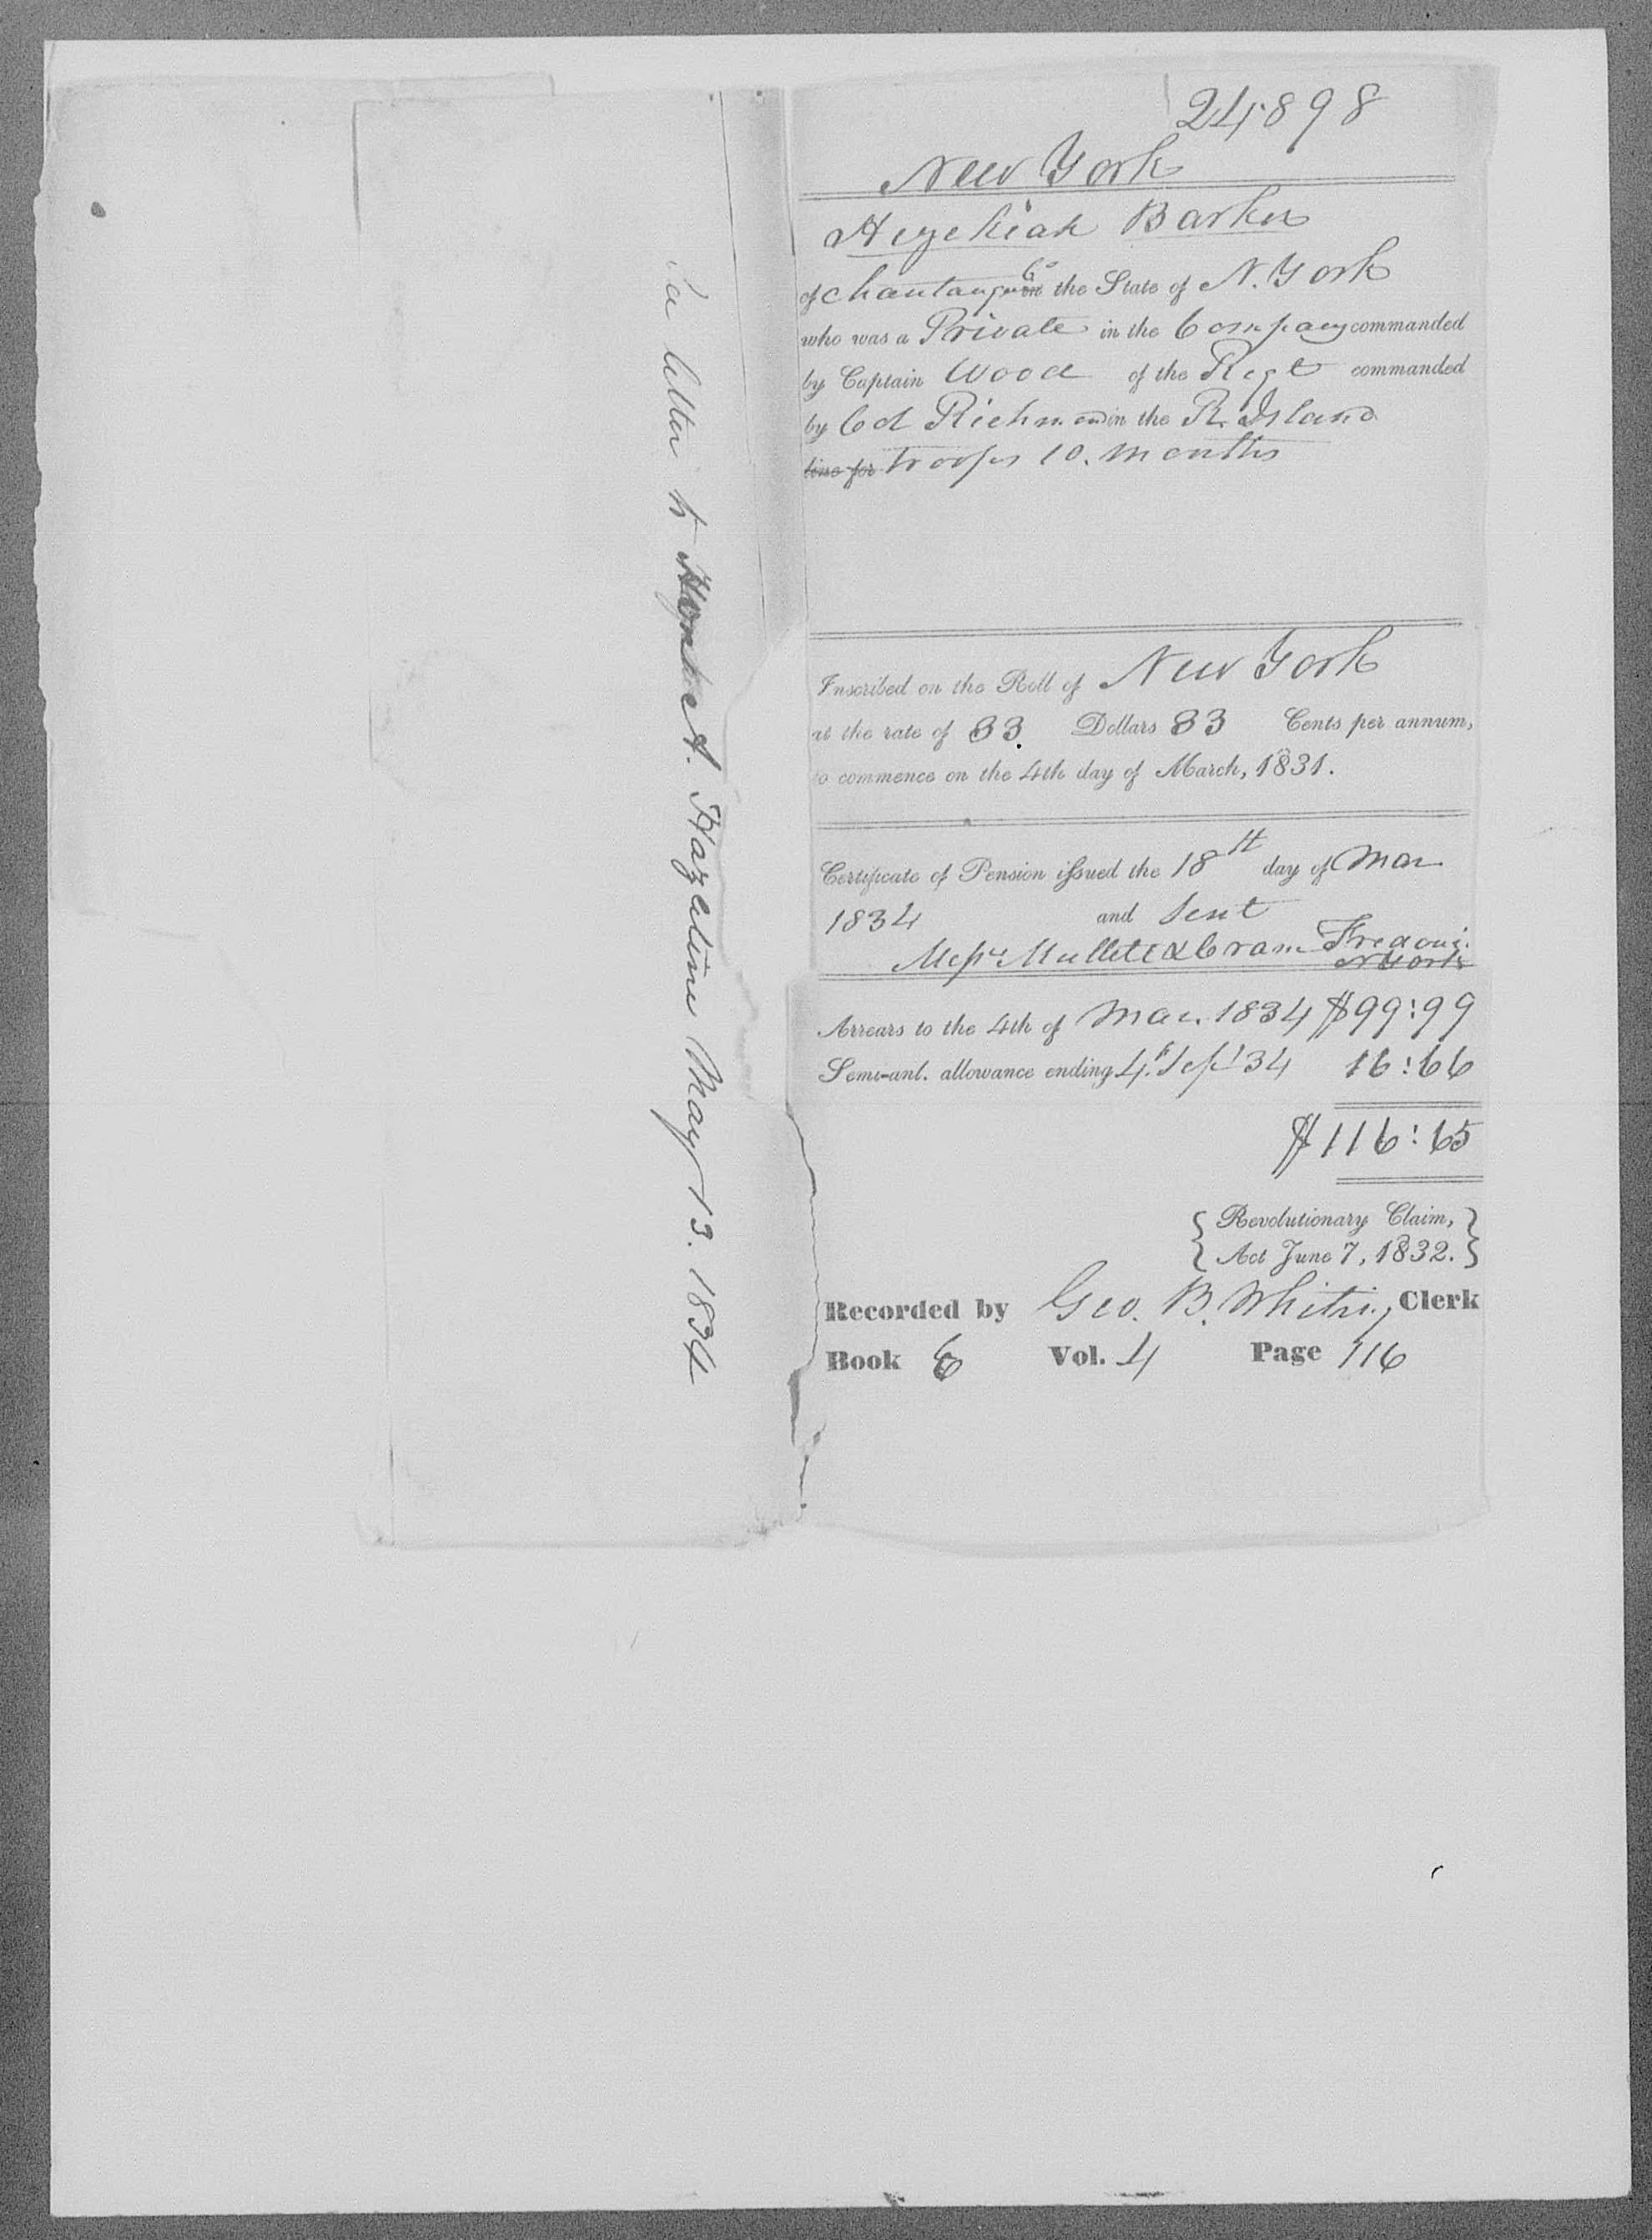[vertically at left side]
See letter to Hon. A. Hazeltine May 13. 1834
[right side]
24.898
New York
Hezekiah Barker of Chautauqua Co. in the State of N. York who was a Private in the Company commanded by Captain Wood of the Regt. Commanded by Col. Richardson in the R. Island troops 10 months.
Inscribed on the Roll of New York at the rate of 33 Dollars 83 Cents per annum, to commence on the 4th day of March, 1831.
Certificate of Pension issued the 18th day of Mar 1834 and sent Mss. Mullete & Crane Fredonia N. York
Arrears to the 4th of Mar. 1834     $99.99
Semi-anl. Allowance ending 4th Sep ’34     16.66
[underline]
$116.65
{Revolutionary Claim, Act June 7, 1832.}
Recorded by Geo. B. Whiting Clerk
Book E Vol. 4 page 116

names: Geo B Whiting, Mullett, Wood, A Hazletine, Richmond, Crane, Hezekiah Barker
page: 13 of 52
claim: widow's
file: W. 18,565, Hezekiah Barker, Continental R.I.